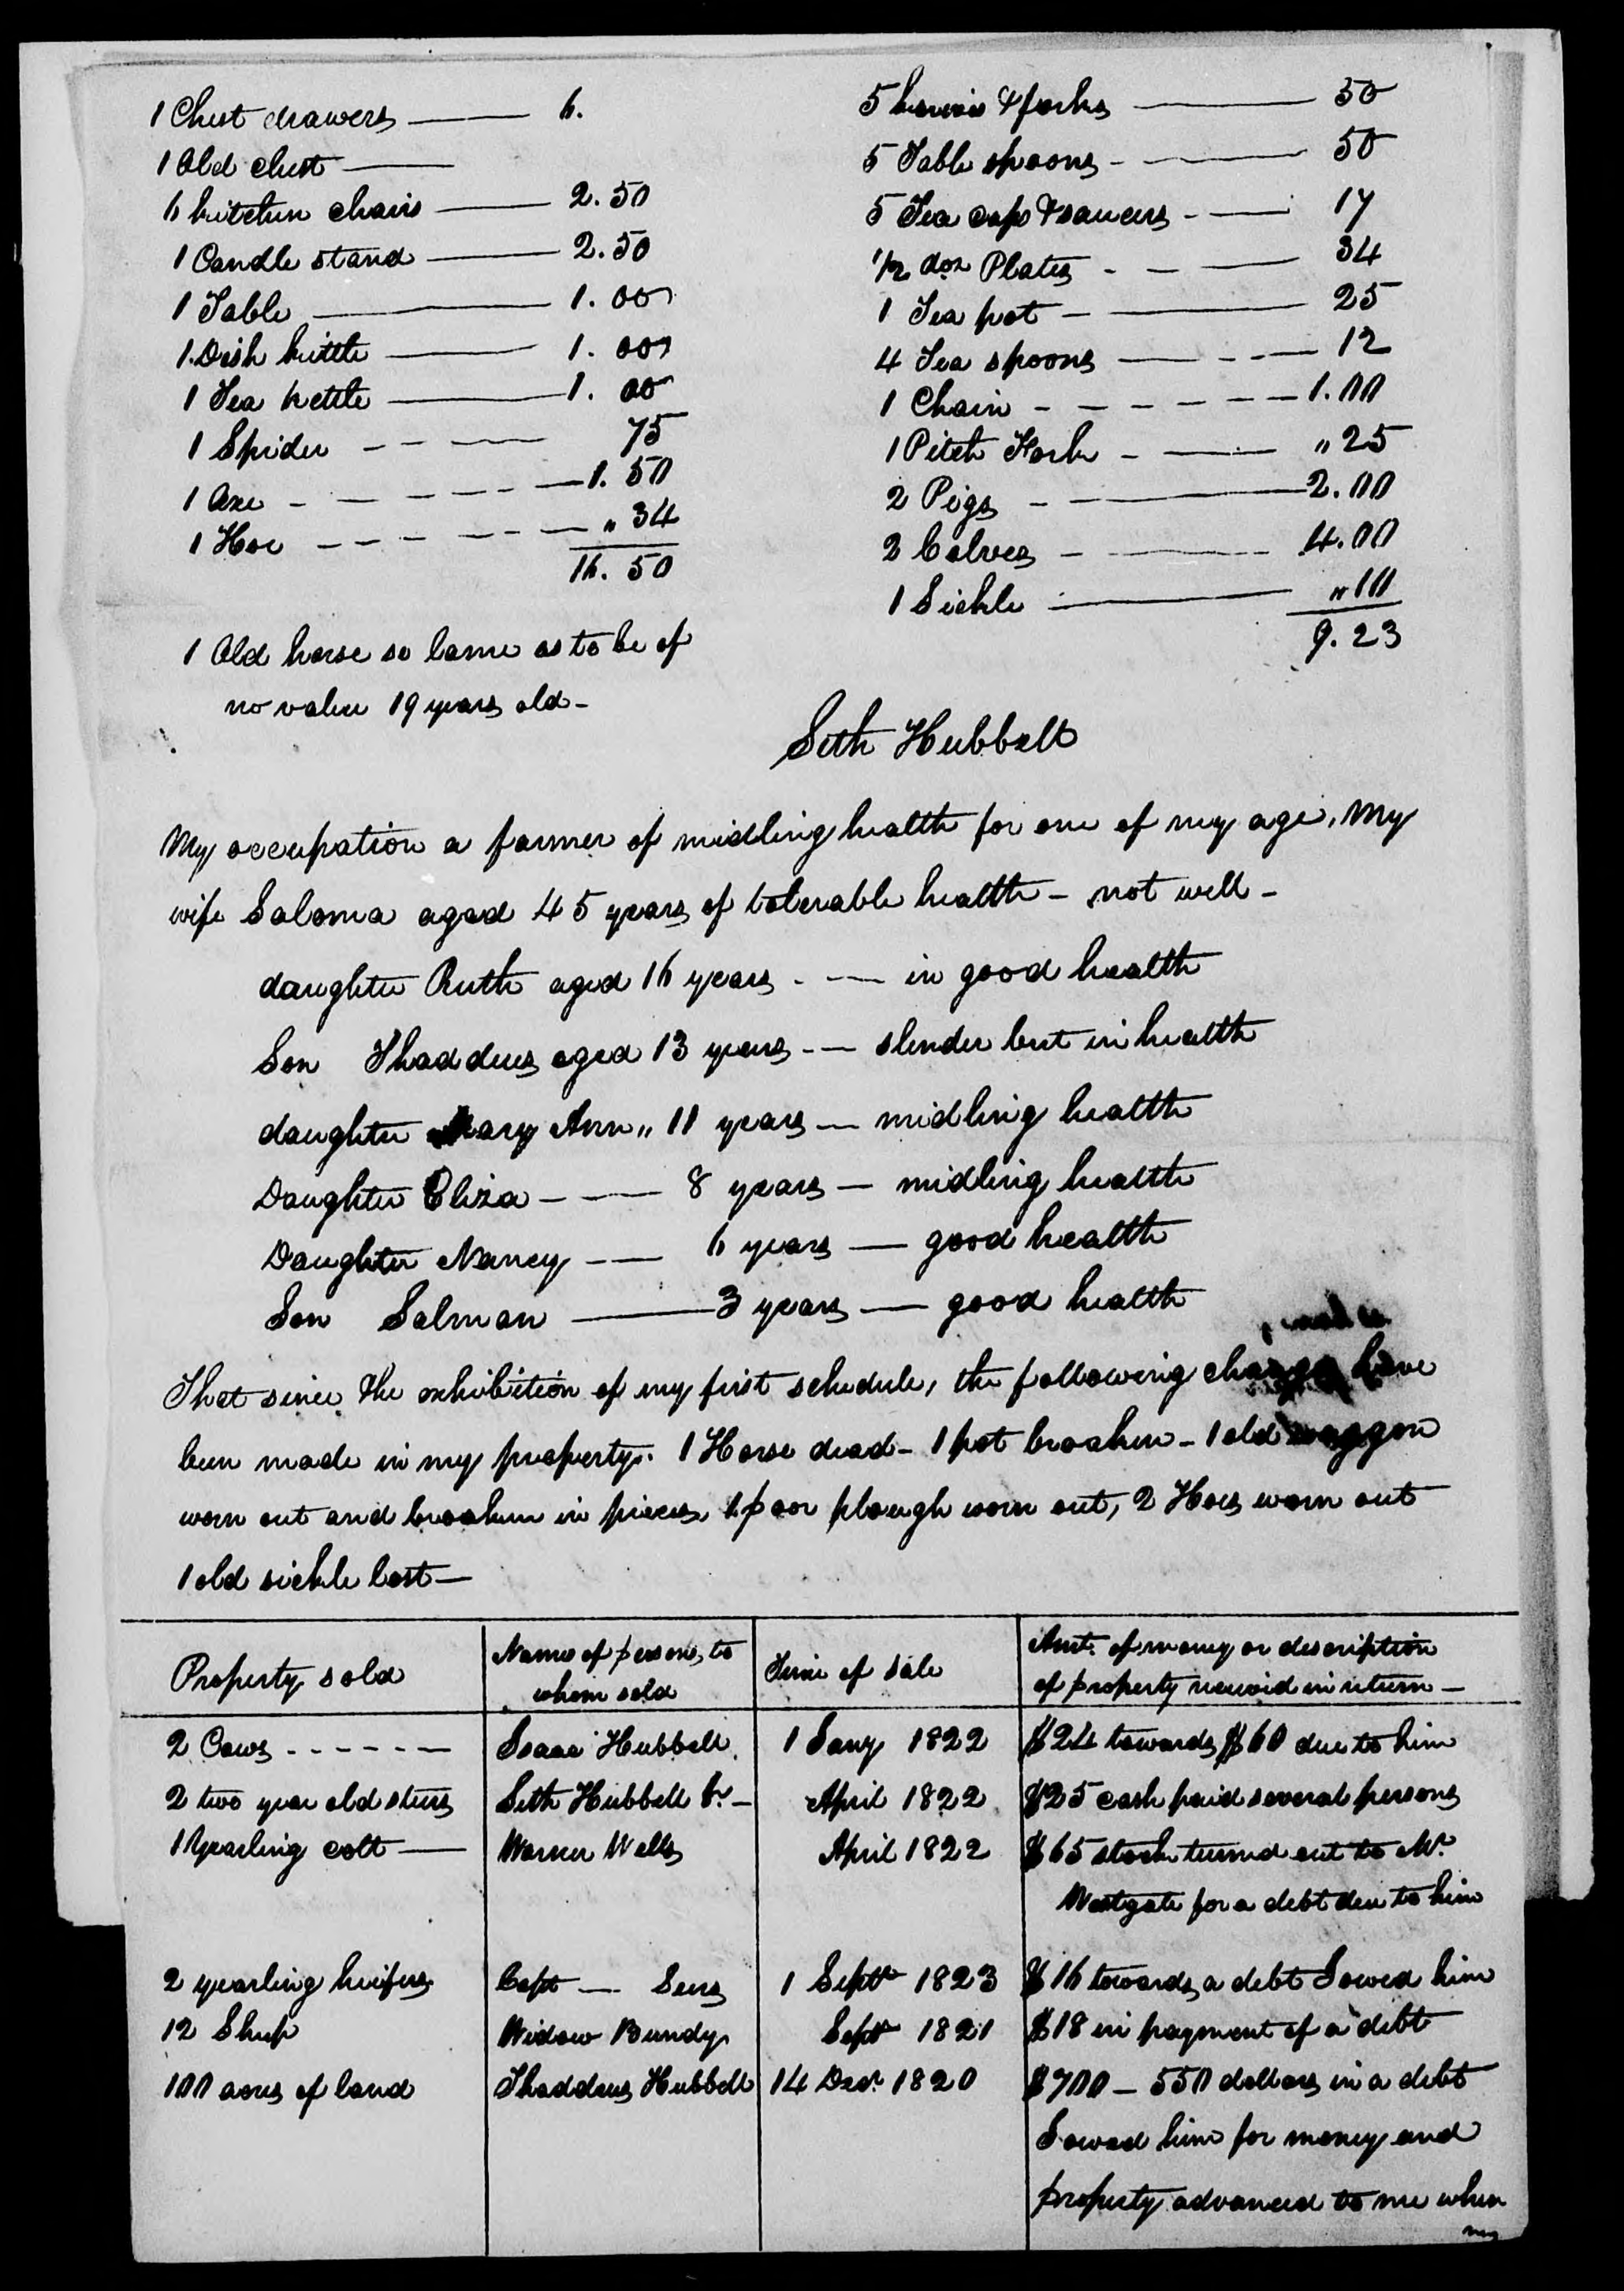1 Chest drawers _____ 6
1 Old chest _____
6 [illegible] chairs _____ 2.50
1 Candle stand _____ 2.50
1 Table _____ 1.00
1 Dish kettle _____ 1.00
1 Tea kettle _____ 1.00
1 Spade _____ 75
1 Axe _____ 1.50
1 Hoe _____ 34
16.50

1 Old horse so lame as to be of
no value 19 years also

5 hoses and socks _____ 50
5 Table spoons _____ 50
5 Tea cup & saucers _____ 17
1/2 doz Plates _____ 34
1 Tea pot _____ 25
4 Tea spoons _____ 12
1 Chair _____ 1.00
1 Pitch Fork _____ 25
2 Pigs _____ 2.00
3 Calves _____ 4.00
1 Sickle _____ 10
9.23

Seth Hubbell

My occupation a farmer of middling health for one of my age
wife Saloma aged 45 years of tolerable health - not well -
daughter Ruth aged 16 years _____ in good health
Son Thadduis aged 13 years _____ slender but in health
daughter Mary Ann 11 years _____ middling health
Daughter Eliza _____ 8 years _____ middling health
Daughter Nancy _____ 6 years _____ good health
Son Solman _____ 2 years _____ good health

That since the inhibition of my first schedule, the following cha[illegible] have
been made in my property. 1 Horse died _ 1 pot broken _ 1  old [illegible] 
worn out and broken in pieces, [illegible] plough worn out, 2 [illegible] worn out
1 old sickle lost __

Property sold
Name of persons to whom sold
Time of sale
Amt. of mony or description
of property received in return

2 Cows _____
Isaac Hubbell
1 Jany 1822
$24 towards $60 due to him

2 two year old steers
Seth Hubbell Jr. _
April 1822
$25 each paid several persons

1 yearling colt _____
[illegible] Wells
April 1822
$65 stock [illegible] out to Mr.
Westgate for a debt due to him

2 yearling heifers
Capt ____ [illegible]
1 Sept 1823
$16 towards a debt I owed him

12 Sheep
Widow Bundy
Sept 1821
$18 in payment of a debt

100 acres of land
Thaddeus Hubbell
14 Decr. 1820
$700 __ 550 dollars in a debt
Saved him for money and
property advanced to me when
[illegible]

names: Thaddeus Hubbell, Isaac Hubbell, Sears, Seth Hubbell, Eliza, Nancy, Warner Wells, Saloma, Salmon, Bundy, Mary Ann, Ruth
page: 47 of 114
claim: widow's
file: W. 2115, Seth Hubbell, Conn.